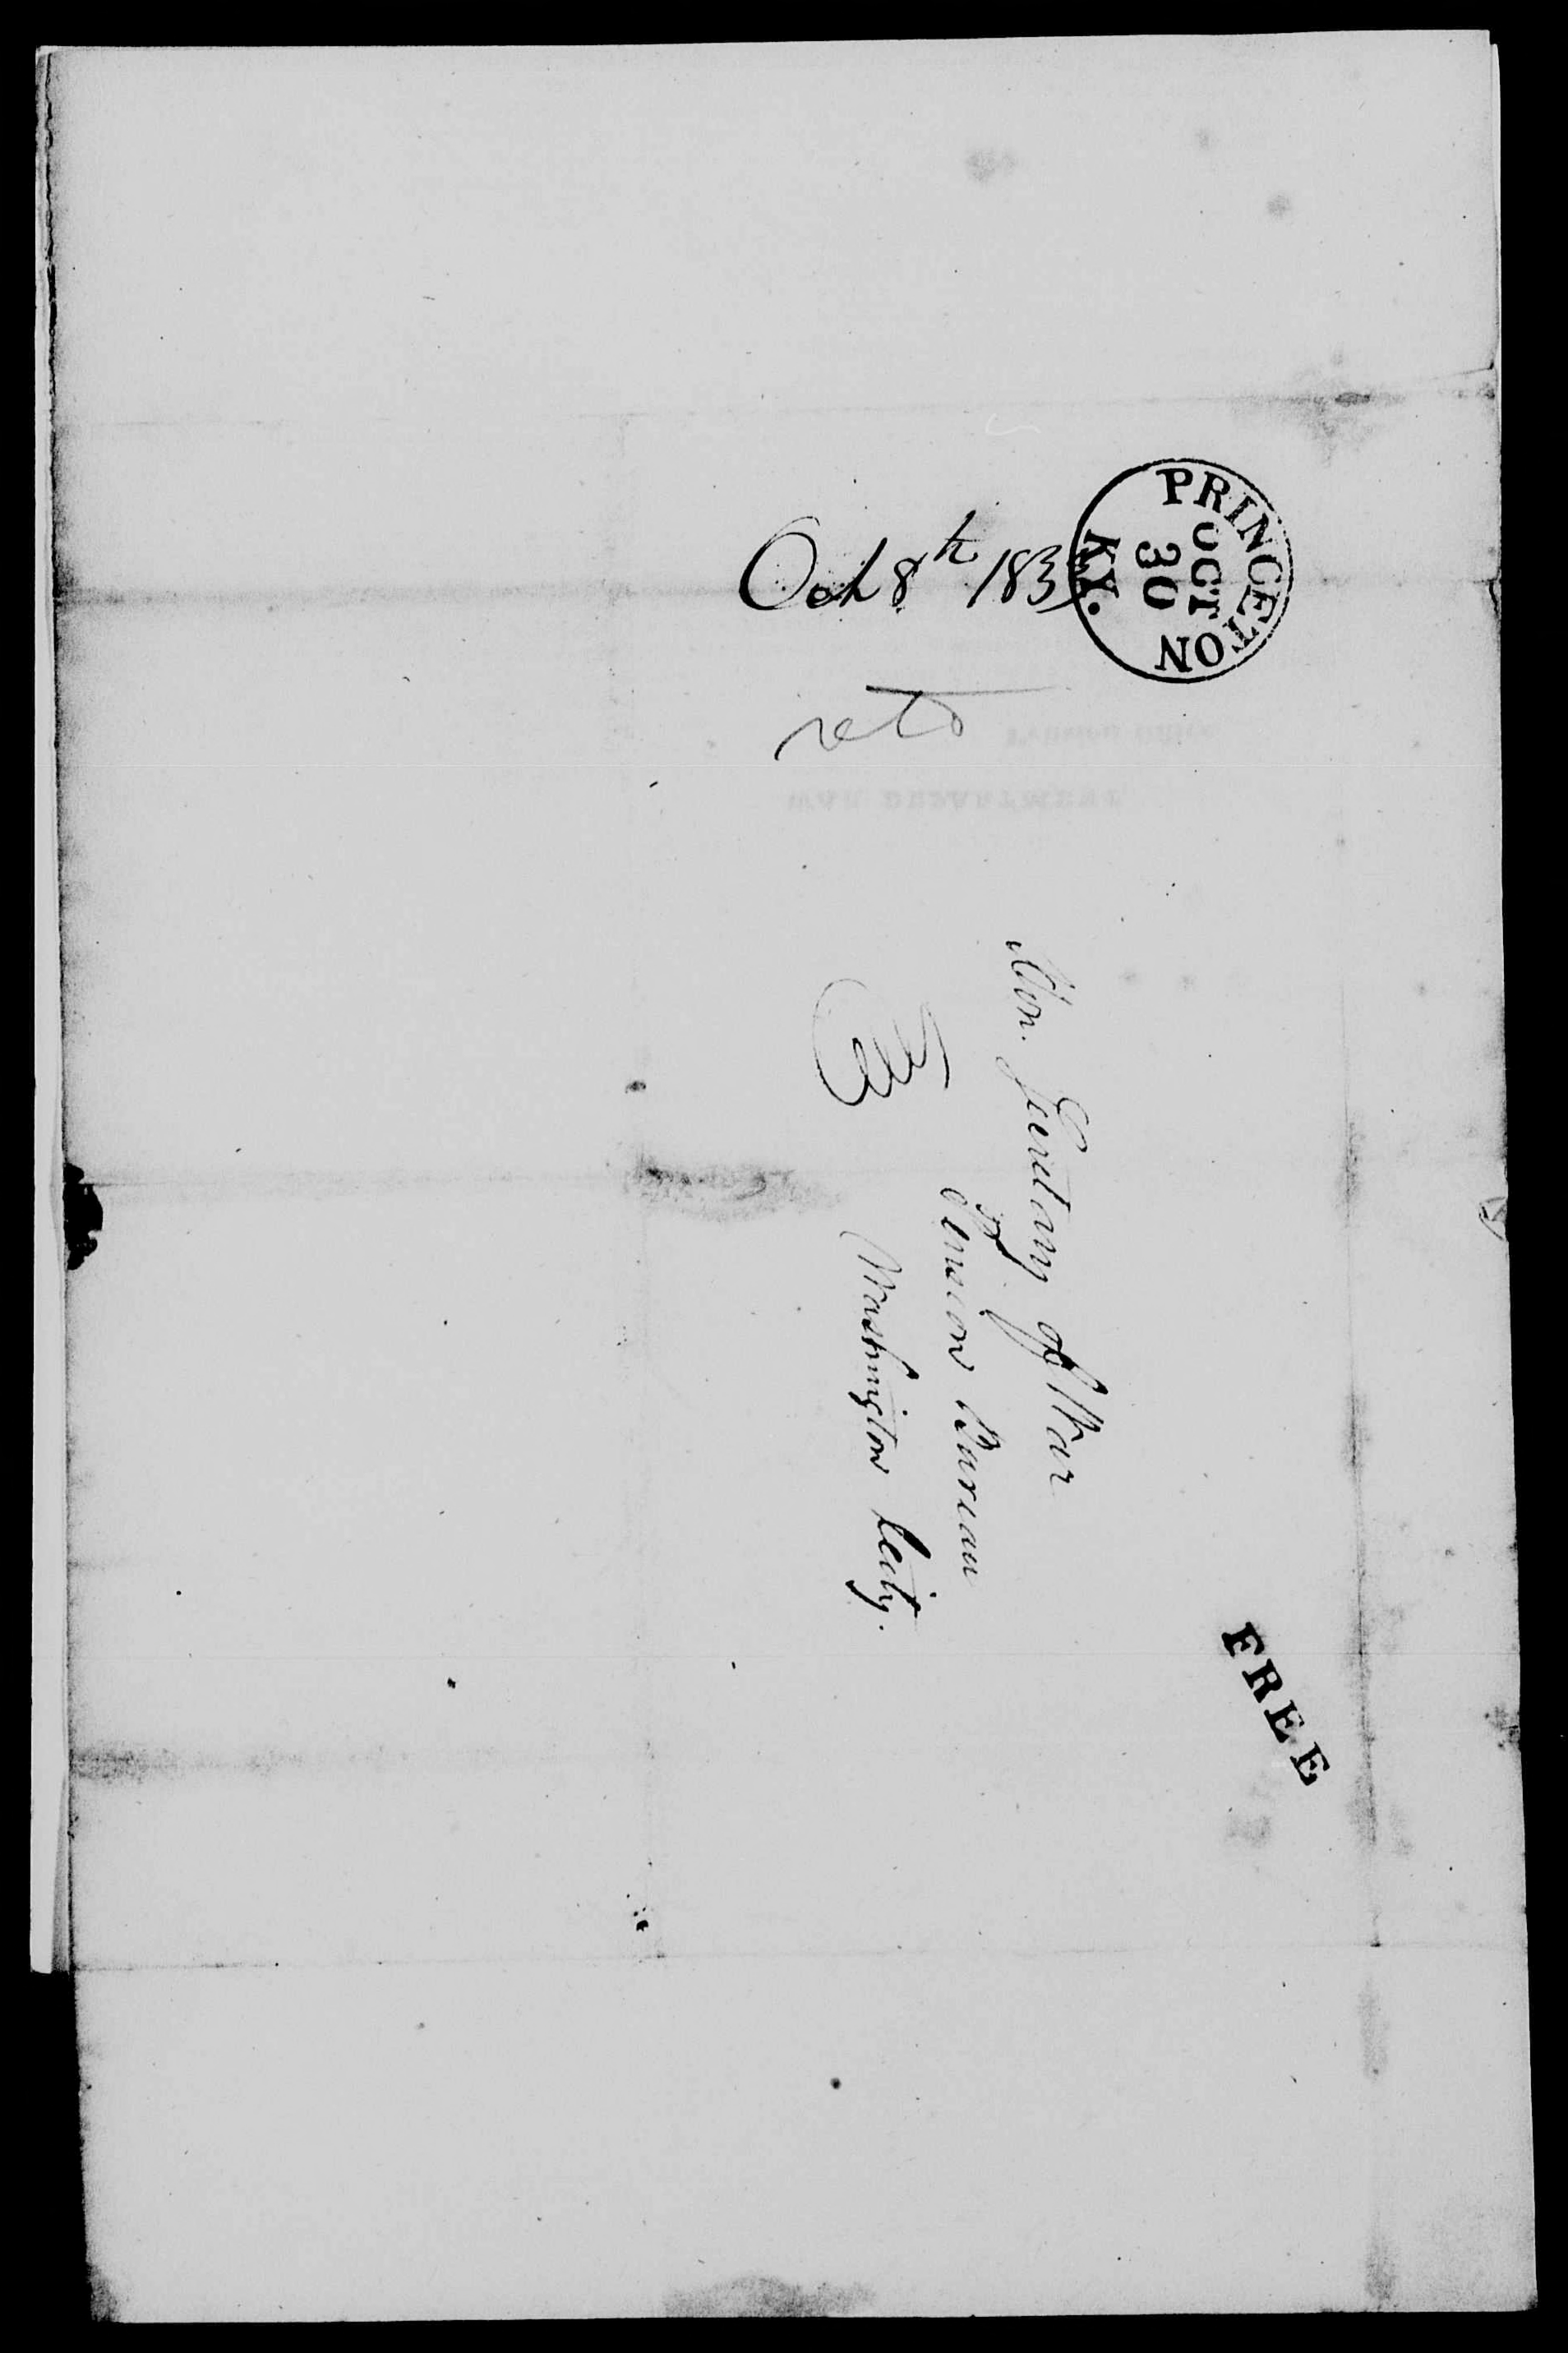Oct 8th 1833.
retd

PRINCETON KY. OCT 30

FREE
Hon. Secretary of War
Pension Bureau
Washington City.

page: 14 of 18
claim: survivor's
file: S. 30,366, Nathaniel Davis, N.C. Va.